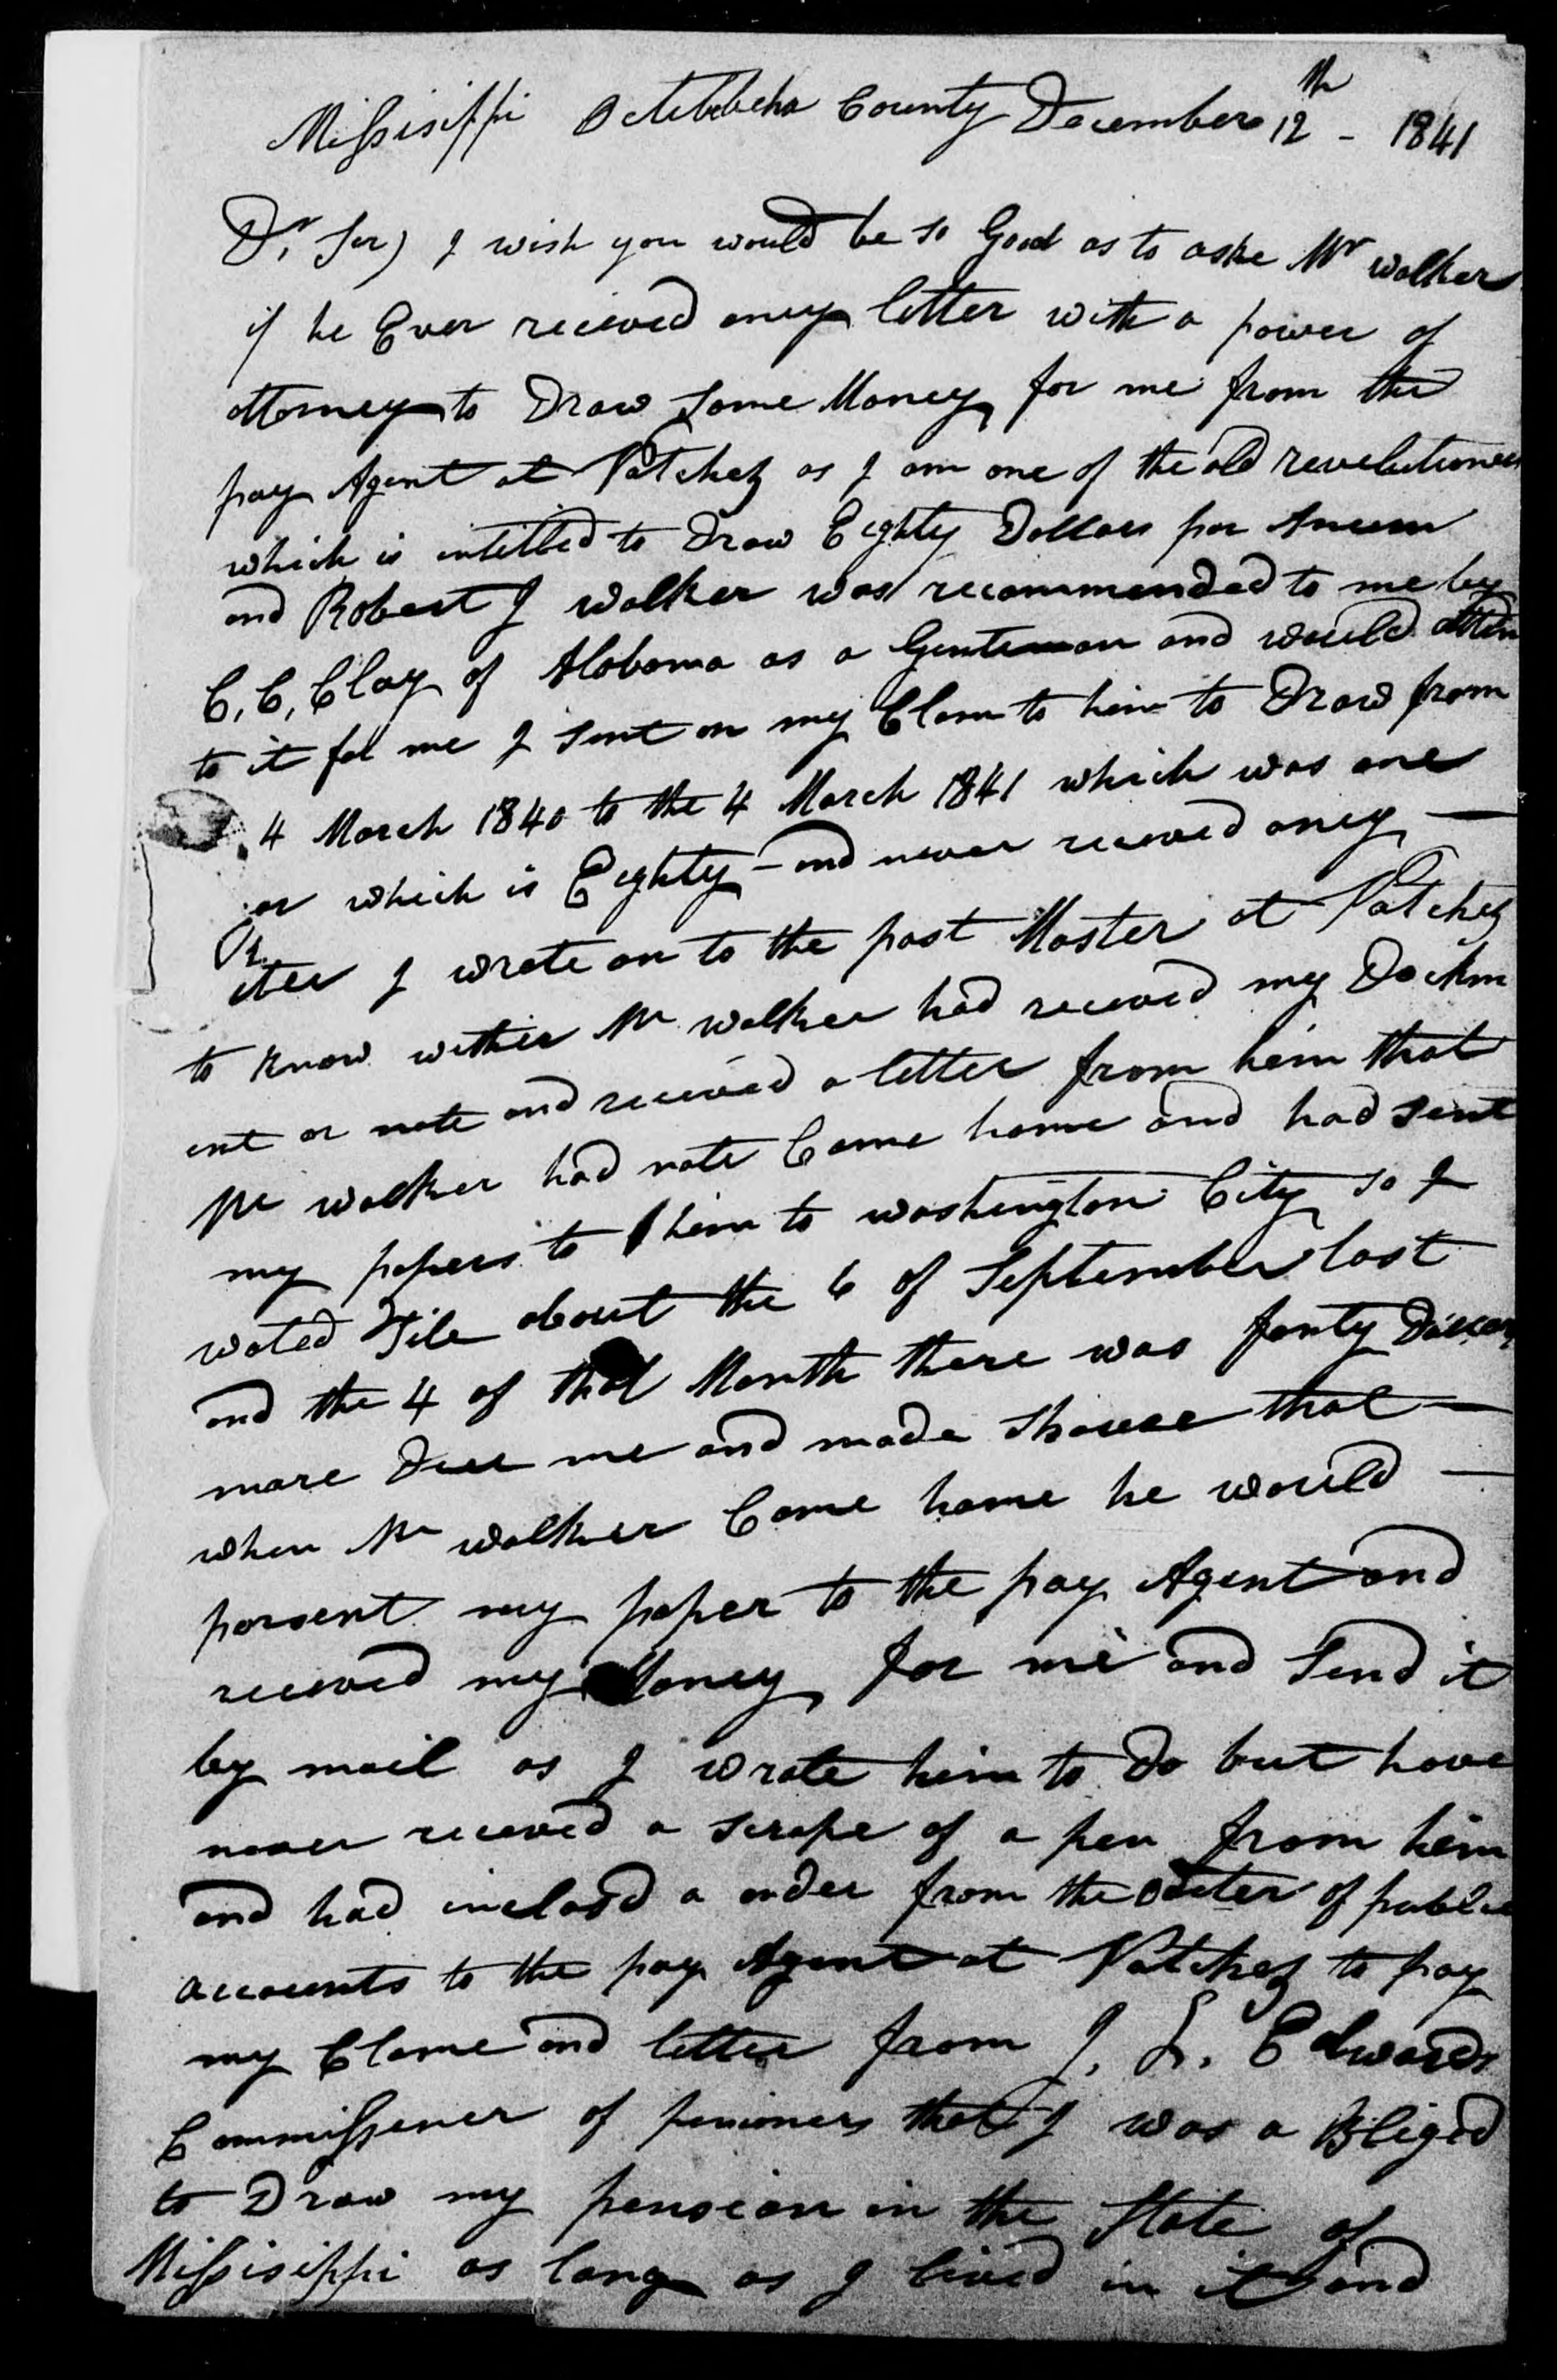Mississippi Octibbeha County 
December 12th -1841

Dear Sir, 
I wish you would be so good as to aske Mr Walker if he ever received any letter with a power of attorney to Draw some money for me from the pay Agent at Natchez as I am one of the old revolutioners which is entitled to Draw Eighty Dollars per Anum and Robert J Walker was recommended to me by C.C. Clay of Alabama as a Genteman and would attend to it for me I sent on my Claim to him to draw from 4 March 1840 to the 4 March 1841 which was one for which is
Eighty and never received any - after I wrote on to the post Master at Natchez to know withir Mr Walker had received my document or note and received a letter from him that Mr. Walker had note Came home and had sent my papers to him to Washington City so I wated till about the 6 of September last and the 4 of that month there was forty Dollers more due me and made shoure that when Mr Walker came home he would present my paper to the pay Agent and received my money for me and send it by mail as I wrote him to do but have never received  a scrape of a pen from him and had inclosed a order from the ordeer of public accounts to the pay Agent at Natchez to pay my Clame and letter from J.L. Edwards Commissioner of pensioners that I was abliged to draw my pension in the State of Mississippi as long as I lived in it and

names: , Walker, Walker, Walker, Walker, J L Edwards, C C Clay, Robert J Walker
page: 61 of 85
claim: widow's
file: W. 5,906, John Brown, S.C.